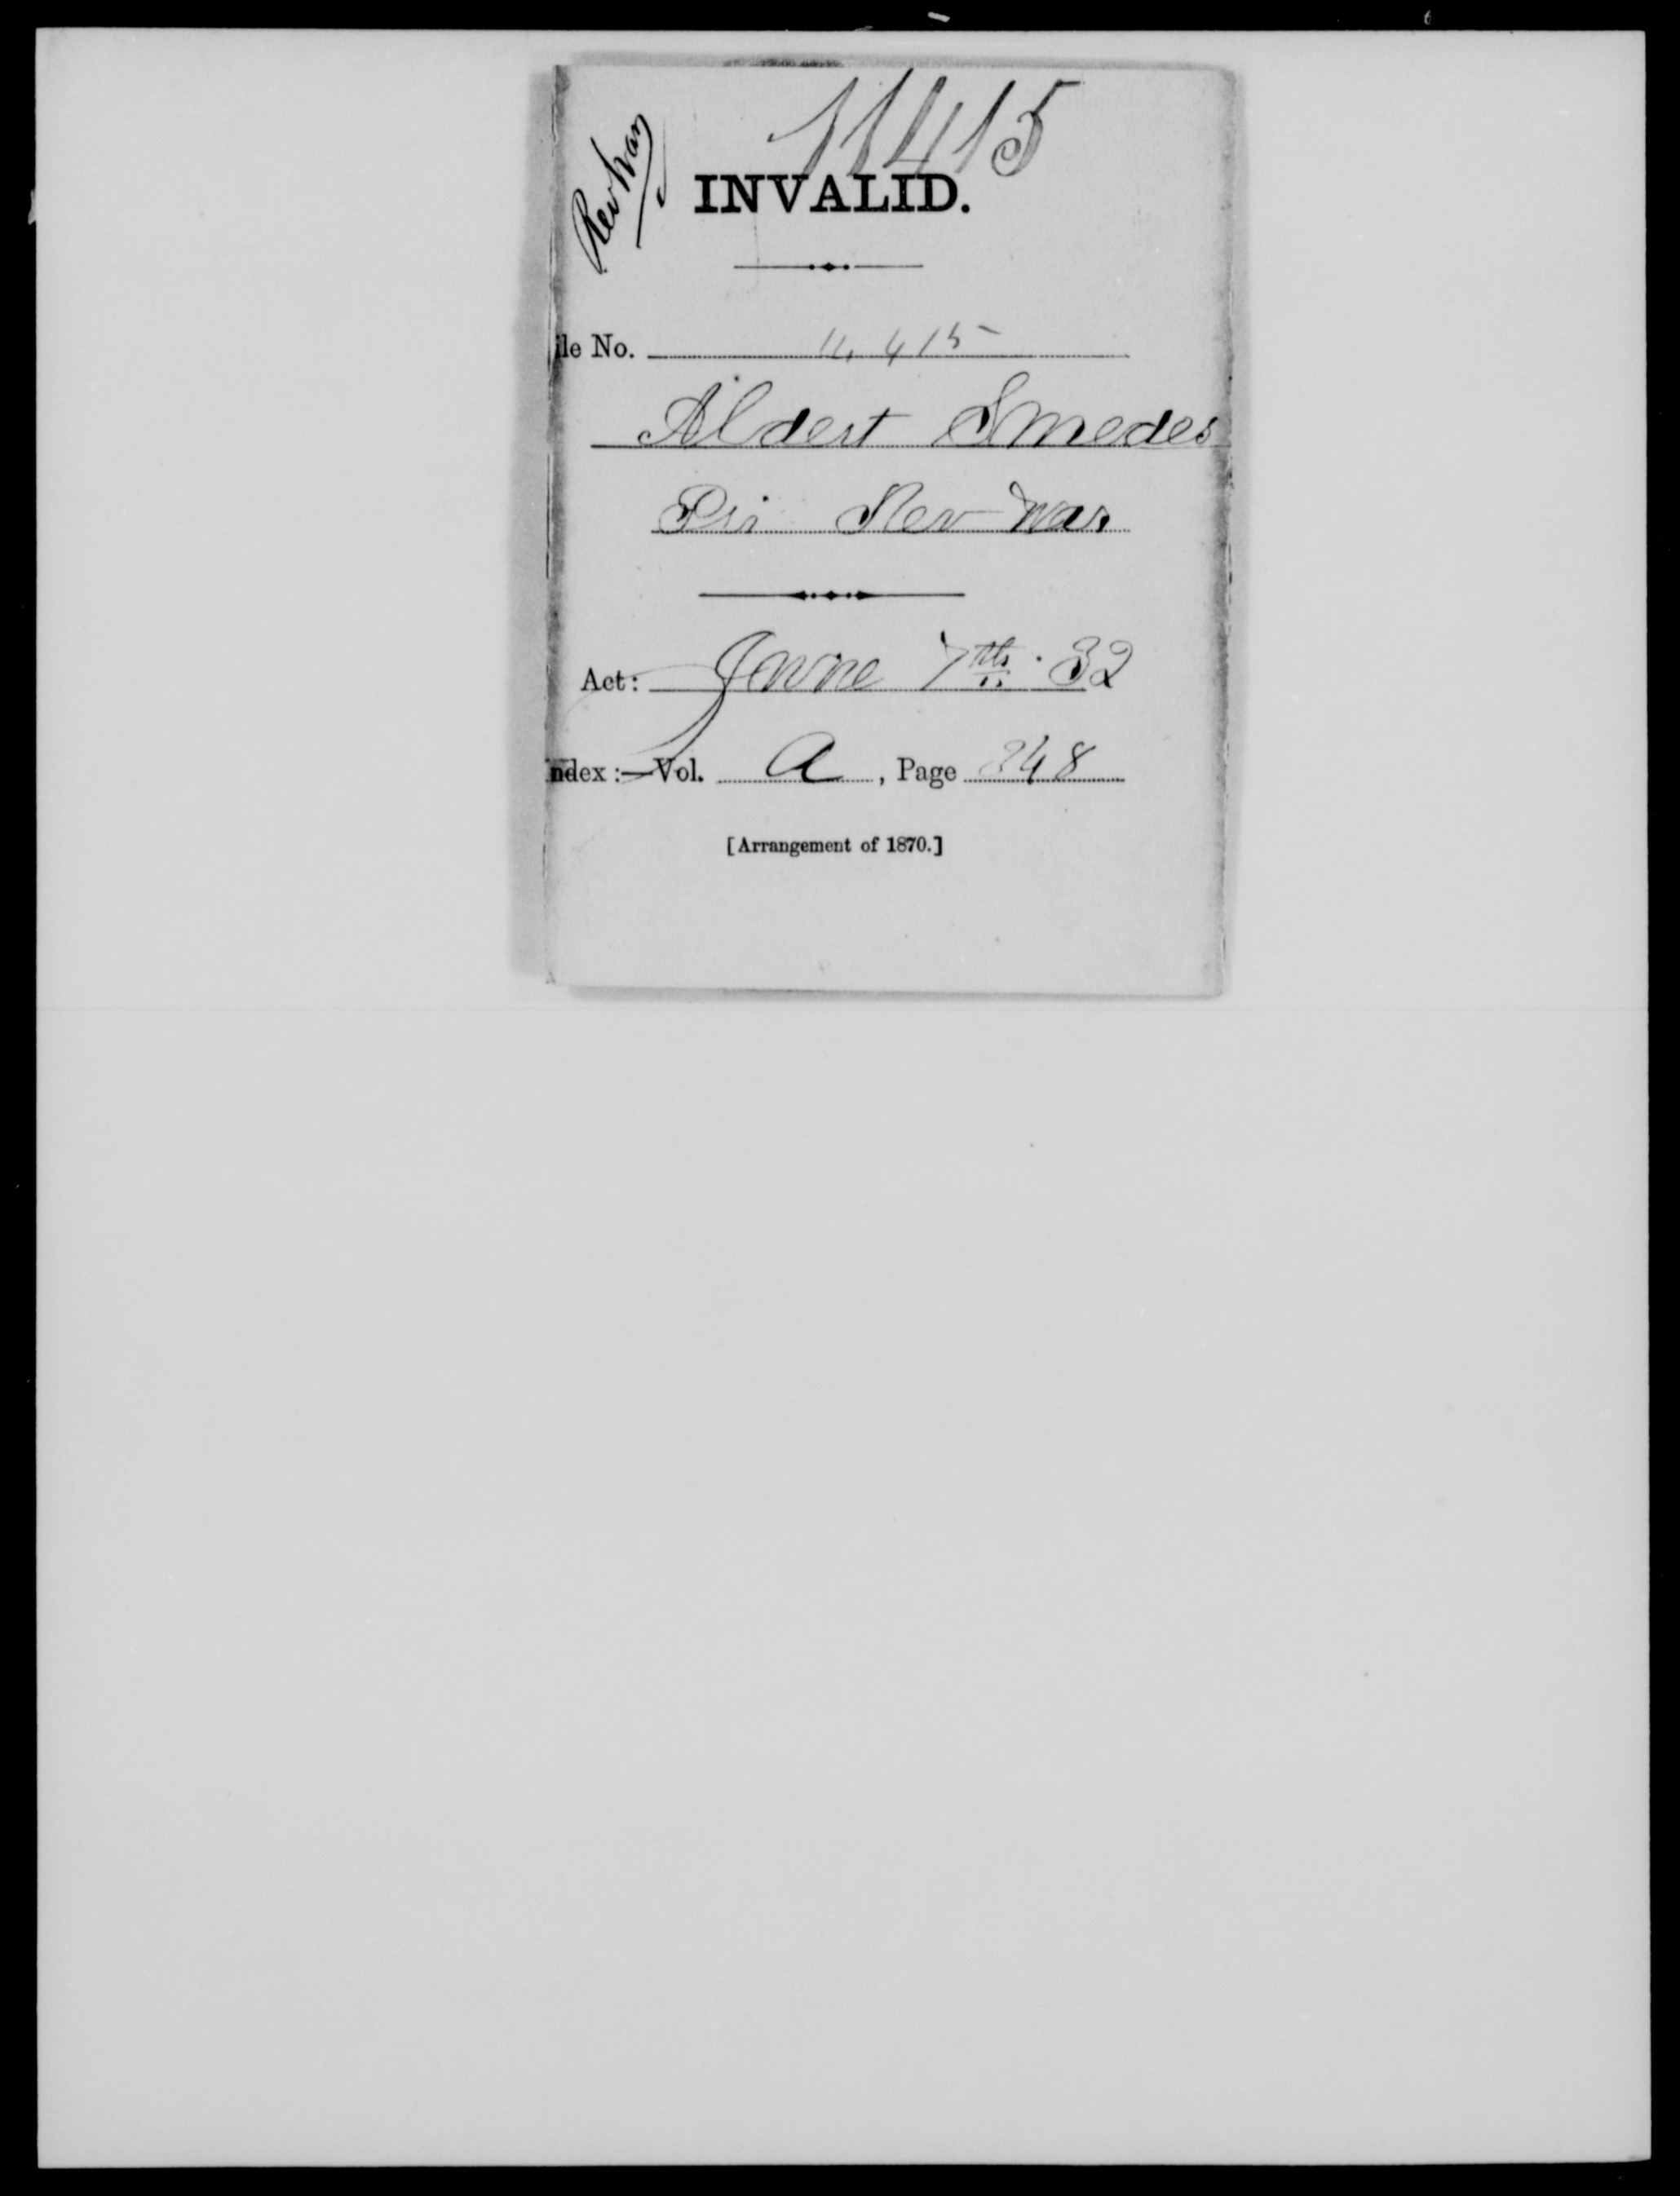11415

Revtion [Revolution]

Invalid

File No.  14415
Aldert Smedes 
Pri [Private] Rev [Revolutionary] War

Act:  June 7th '32
Index:  Vol. A, Page 348

{Arrangement of 1870}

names: Aldert Smedes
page: 28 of 29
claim: survivor's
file: S. 11415, for Aldert Smedes, New York